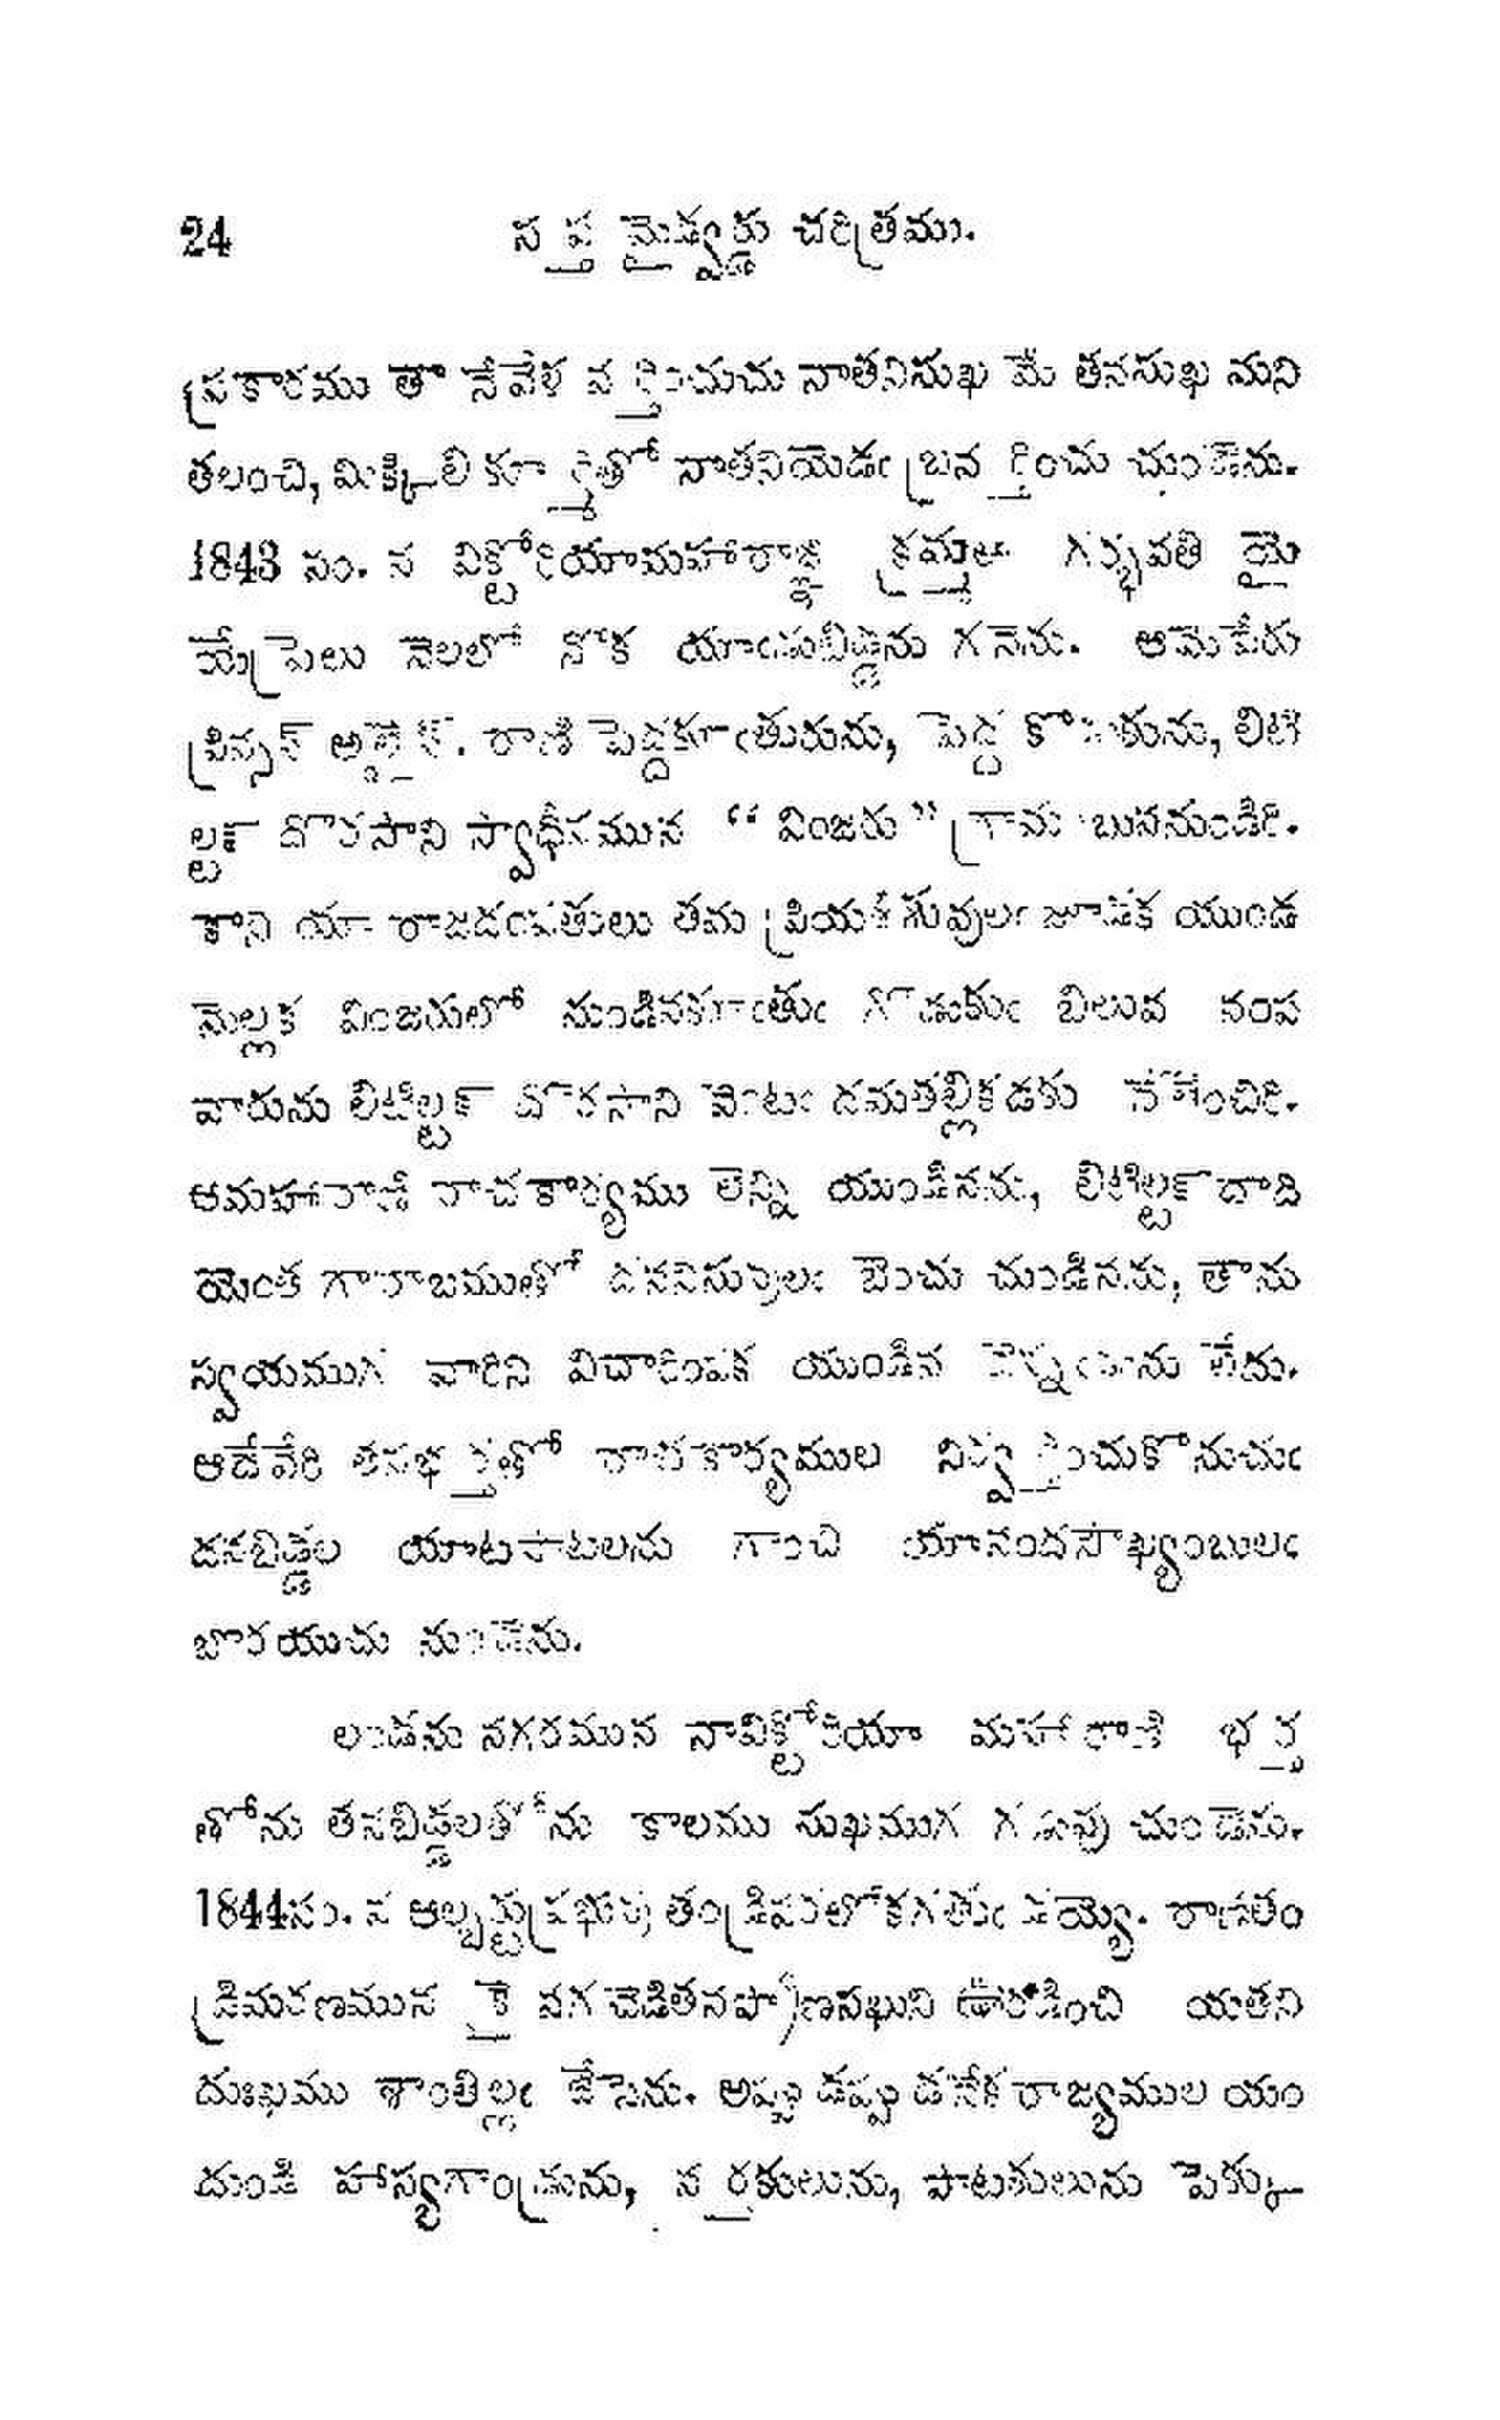ప్రకారము తానే వేళవర్తించు నాతని సుఖ మే తన సుఖమని తలంచి, మిక్కిలి కూర్మితో నాతనియెడఁ బ్రవర్తించు చుండెను.1848 సం. న విక్టోరియామహారాజ్ని క్రమ్మర గర్భవతి యై
యేప్రెలు నేలలో నొక యాడు బిడ్డనును గనెను. ఆమె పేరు ప్రిన్సన్ అలైన్ రాణి పెద్ద కూతురును, పెద్ద కోమరుడును, లిటిల్టన్ దొరసాని స్వాధీనమున ““ వింజురు " గ్రామంబుననుండిరి.
కాని యా రాజులంతులు తమ ప్రియశిసువులఁ జూడక యుండనొల్లక వింజరులో సుండినకూతుఁ గొడుకుఁ బిలువ నంప వారును లిటిల్టన్ దొరసాని వెంట: దమతల్లికడకు నేతెంచిరి.
ఆమహారాణి రాచకార్యము లెన్ని యుండినను, లిటిల్టన్ దాదియెంత గారాబాముతోదన శిసువులను బెంచు చుండినను తానుస్వయము వారిని విచారింపక యుండిన నెన్నడును లేదు.
అదేవేరి తన భర్తతో రాచ కార్యముల నిర్వర్తించుకోనుచుడనబిడ్డలు యాటపాటలను గాంచి యాసందసౌఖ్యంబులబొరయుచు నుండెను.

లండను నగరమున నా విక్టోరియా మహా రాణి భర్తతోను తన బిడ్డలతోను 'కాలము సుఖముగ ,గడుపు చుండెను. 1844 వ,సం. న ఆల్బర్టు ప్రభు వు పరలోక గతుడయ్యె. రాణి తండ్రి మరణమునకై వగ చెడితన ప్రాణసఖుని ఊరడించి యతని దుఃఖము శాంతిల్లఁ జేసెను. అప్పుడప్పుడ నేక రాజ్యముల యందుండి హాస్య గాండ్రును, నర్తకులును, పాటకులును పెక్కు